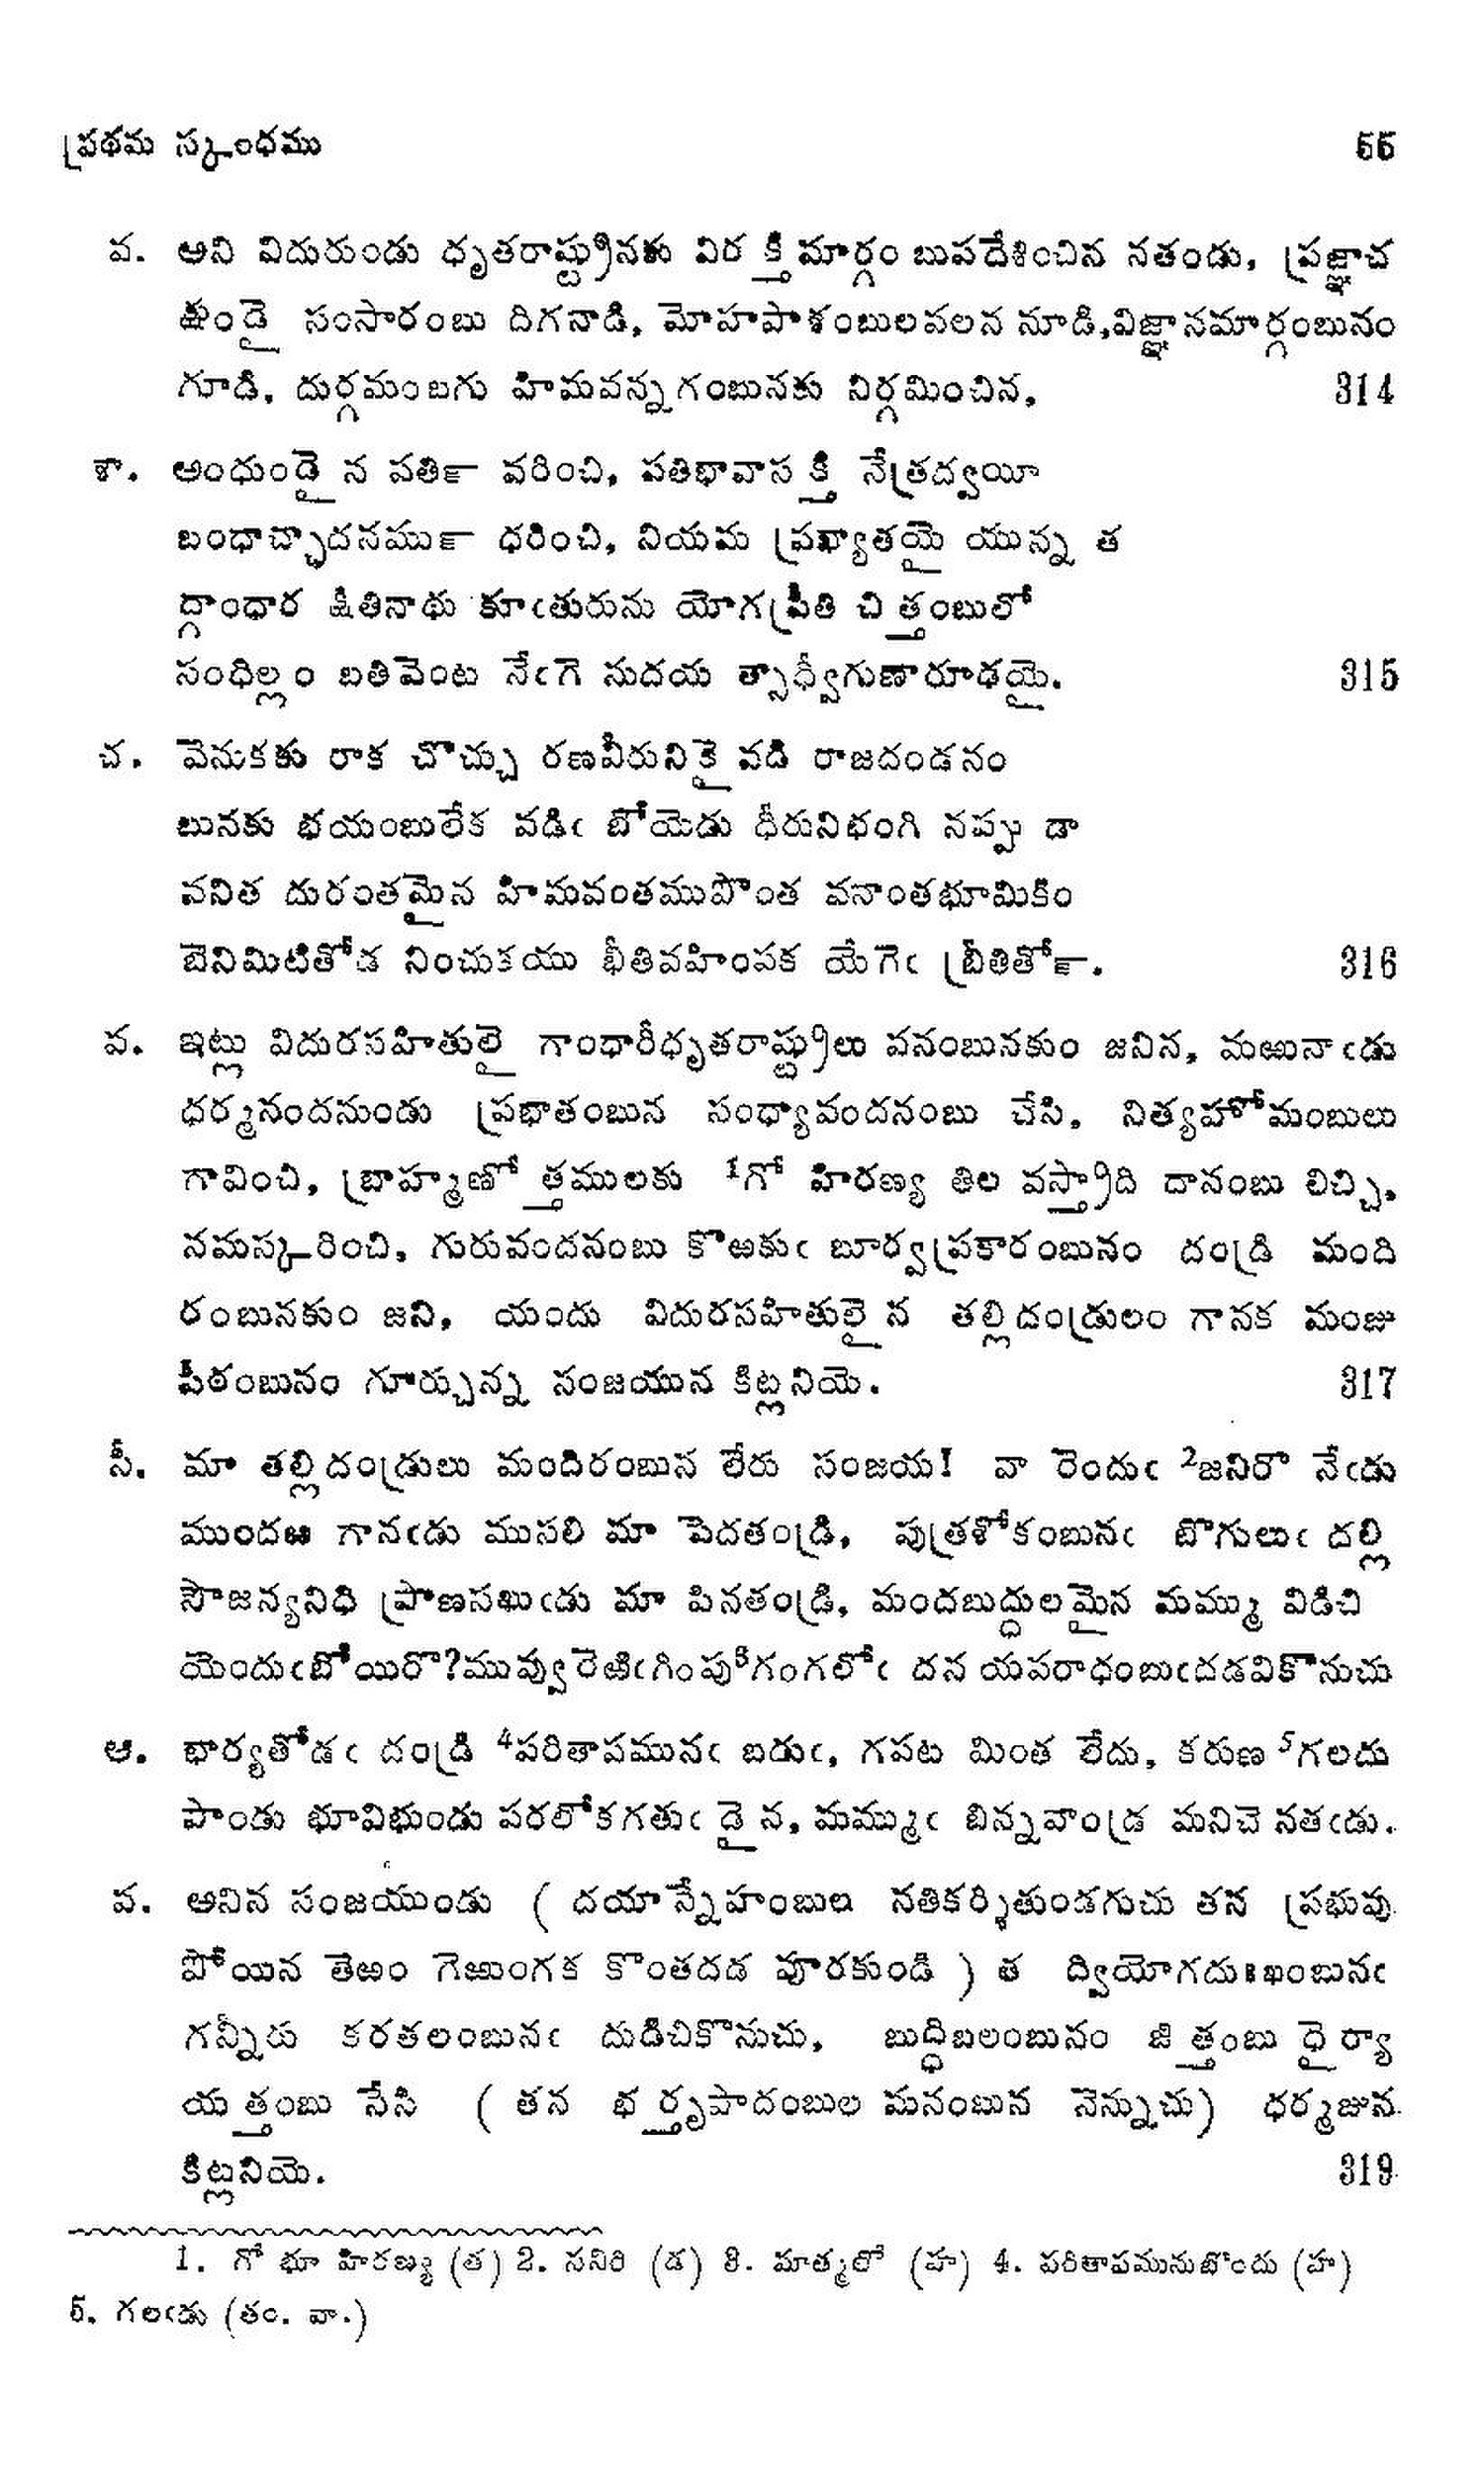55

వ. అని విదురుండు ధృతరాష్ట్రునకు విర క్తిమార్గం బుపదేశించిన నతండు, ప్రజ్ఞాచక్షుండై సంపారంబు దిగనాడి, మోహపాశంబులవలన నూడి, విజ్ఞసమార్గంబునం గూడి, దుర్గమంబుగు హిమవన్నగంబునకు నిర్గమించిన. (1-314)

శా. అంధుడైన పతిన్ వరించి, పతిభావాసక్తి నేత్రద్వయీ

బంధాచ్ఛాదనమున్ ధరించి, నియమ ప్రఖ్యాతయై యున్న త

ద్గాంధార ఝితినాథు కూఁతురును యోగప్రీతి చిత్తంబులో

సంధిల్లం బతివెంట నేఁగె నుదయ త్సాధ్వీగూణారుఢయై. (1-315)

చ. వెనుకకు రాక చుచ్చు రణవీరునఇకైవడి రాజదండనం

బునకు భయంబులేక వడిఁ బోయెడు ధీరునిభంగి నప్పు డా

వనిత దురంతమైన హిమవంతముపొంత వనాంతభూమికిం

బెనిమిటితోడ నించుకయు భీతివహింపక యేగెఁ బ్రీతితోన్. (1-316)

వ. ఇట్లు విదురసహితులై గాధారీధృతరాష్ట్రులు వనంబునకుం జనిన, మఱునాఁడు ధర్మనందనుండు ప్రభాతంబున సంధ్యావందనంబు చేసి, నిత్యహోమంబులు గావించి,బ్రహ్మణోత్తములకు గో హిరణ్య తిల వస్త్రాది దానంబు లిచ్చి, నమస్కరించి, గురువందనంబు కొఱకుఁ బూర్వప్రకారంబునం దండ్రి మందిరంబునకుం జని యందు విదురసహితులైన తల్లిదండ్రులం గానక మంజు పీఠంబునం గూర్చున్న సంజయున కిట్లనియె.(1-317)

సీ. మా తల్లిదండ్రులు మందిరంబున లేరు సంజయ! వా రెందుఁ జనిరొ నేఁడు 

ముందఱ గానఁడు ముసలి మా పెదతండ్రి, పుత్రశోకంబునఁ బొగులుఁ దల్లి

సౌజన్యనిధి ప్రాణసఖుఁడు మా పినతండ్రి, మందబుద్ధులమైన మమ్ము విడిచి

యెందుఁబోయిరొ? మువ్వరెఱిఁగింపు గంగలోఁ దన యపరాధంబుఁదడవికొనుచు

ఆ. భార్యతోడఁ దండ్రి పరితాపమునఁ బడుఁ గపట మింత లేదు,కరుణగలదు

పాండు భూవిభుండు పరలోకగతుఁడైన, మమ్ముఁ బిన్నవాండ్ర మనిచె నతఁడు. (1-318)

వ. అనిన సంజయుండు (దయాస్నేహంబులనతికర్శితుండగుచు తన ప్రభువు పోయిన తెఱం గెఱుంగక కొంతదడ పూరకుండి) త ద్వియోగదుఃఖంబునఁ గన్నీరు కరతలంబునఁ దుడిచికొనుచు, బుద్ధిబలంబునం జిత్తంబు ధైర్యాయత్తంబు సేసి (తన భర్తృపాదంబుల మనంబున నెన్నుచు) ధర్మజున కిట్లనియె. (1-319)